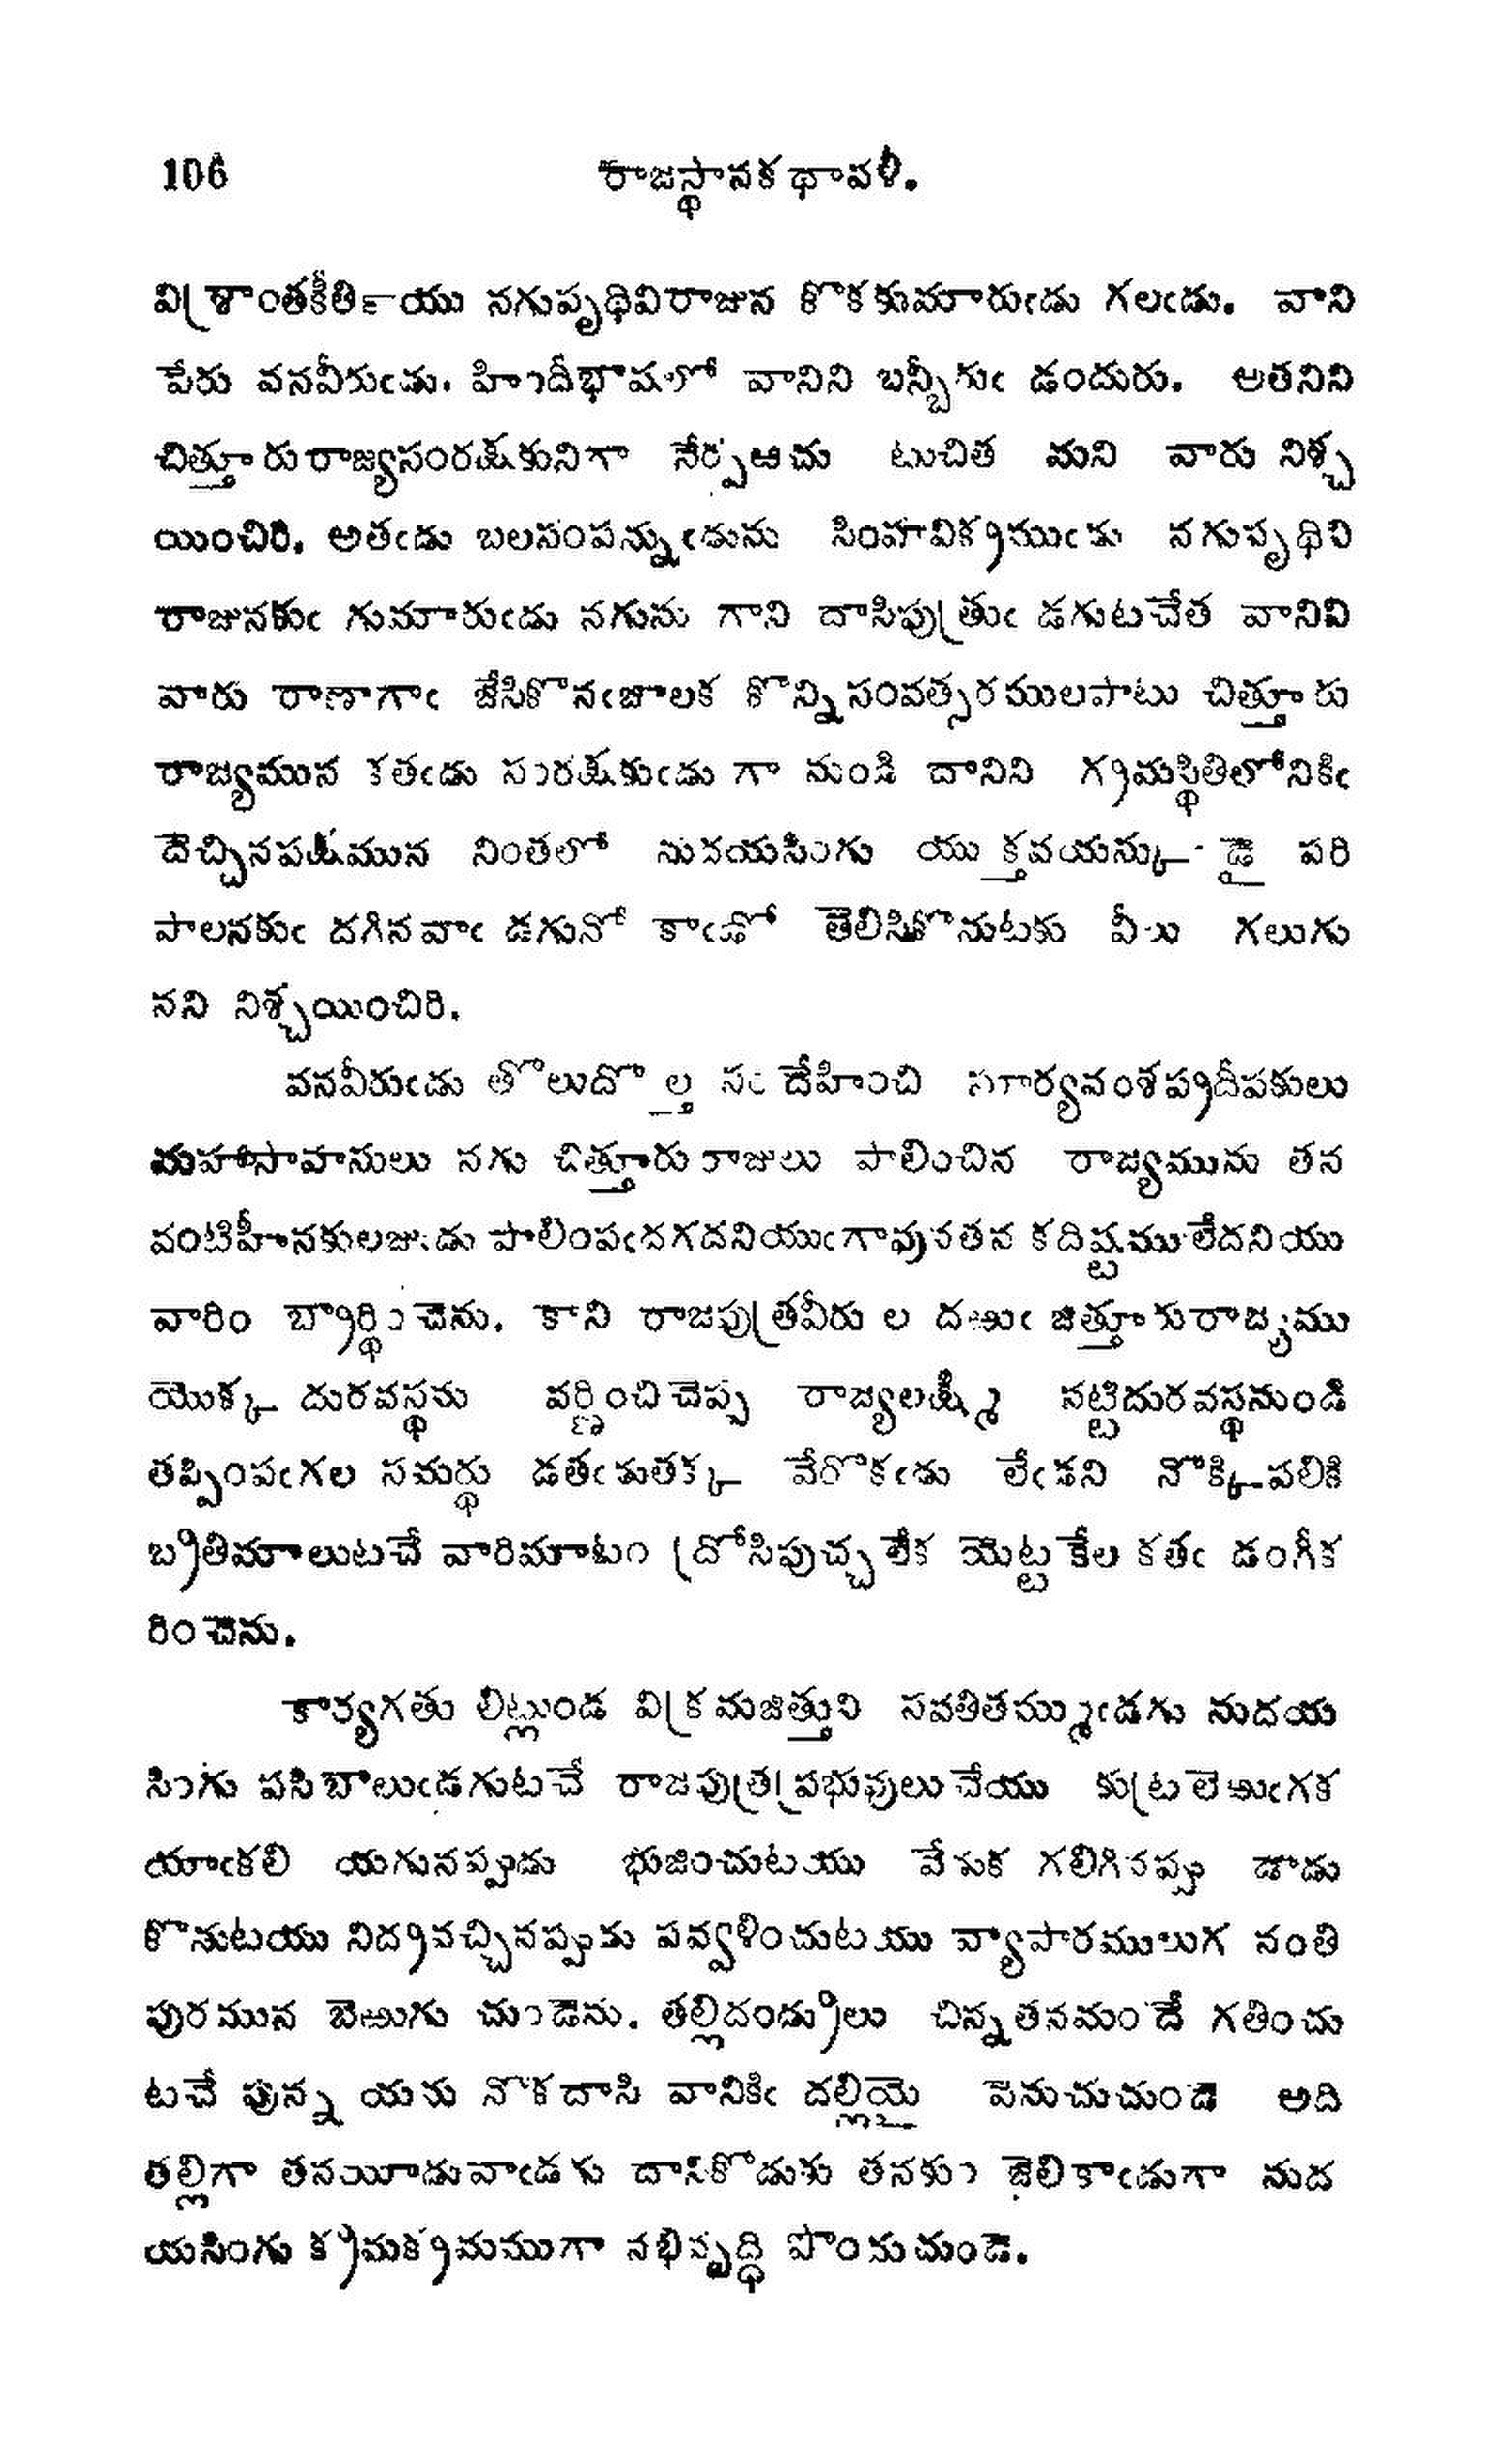విశ్రాంతకీతి౯యు నగు పృథివిరాజునకొక కుమారుఁడు గలఁడు. వాని పేరు వనవీరుఁడు. హిందీ భాషలో వానిని బన్బీరు డందురు. అతనిని
చిత్తూరు రాజ్యసంరక్షకునిగా నేర్పఱచు టుచిత మని వారు నిశ్చయించిరి. అతఁడు బలసంపన్నుఁడును సింహవిక్రముఁడు నగుపృథివి
రాజునకుఁ గుమారుఁడు నగును గాని దాసిపుత్రుఁ డగుటచేత వానివి వారు రాణాగాఁ జేసికొనఁజాలక కొన్ని సంవత్సరములపాటు చిత్తూరు
రాజ్యమున కతఁడు సంరక్షకుఁడు గా నుండి దానిని గ్రమస్థితిలోనికిఁ దెచ్చినపక్షమున నింతలో నుదయసింగు యుక్తవయస్కుడై పరి
పాలనకుఁ దగినవాఁ డగునో కాఁడో తెలిసికొనుటకు వీలు గలుగునని నిశ్చయించిరి.

వనవీరుఁడు తోలుదొల్త సందేహించి సూర్యవంశ ప్రదీపకులు మహాసాహసులు నగు చిత్తూరు రాజులు పాలించిన రాజ్యమును తనవంటి హీనకులజుఁడు పాలింపఁదగదనియుఁ గావున తన కదిష్టము లేదనియు వారిం భ్రార్ధించెను. కాని రాజపుత్రవీరుల దఱు జిత్తూరురాజ్యము
యొక్క దురవస్థను వర్ణించిచెప్ప రాజ్యలక్ష్మీ నట్టిదురవస్థనుండి తప్పింపఁగల సమర్ధు డతఁ డుతక్క వేరొకఁడు లేడని నొక్కి పలికి
బ్రతిమాలుటచే వారిమాటం దోసిపుచ్చలేక యెట్ట కేల కతఁ డంగీకరించెను.

కార్యగతు లిట్లుండ విక్రమజిత్తుని సవతితమ్ముఁడగు నుదయసింగు పసిబాలుఁడగుటచే రాజపుత్ర ప్రభువులు చేయు కుట్రలెఱుఁగక
యాఁకలి యగునప్పుడు భుజించుటయు వేడుక గలిగినప్పు డాడు కొనుటయు నిద్రవచ్చినప్పుడు పవ్వళించుటయు వ్యాపారములుగ నంతి
పురమున బెఱుగు చుండెను. తల్లిదండ్రులు చిన్న తనమందే గతించుటచే పున్న యను నొకదాసి వానికిఁ దల్లియై పెనుచుచుండె అది
తల్లిగా తనయీడు వాఁడగు దాని కోడుకు తనకుం, జెలికాఁడుగా నుదయసింగు క్రమక్రమముగా నభివృద్ధి పొందుచుండె.